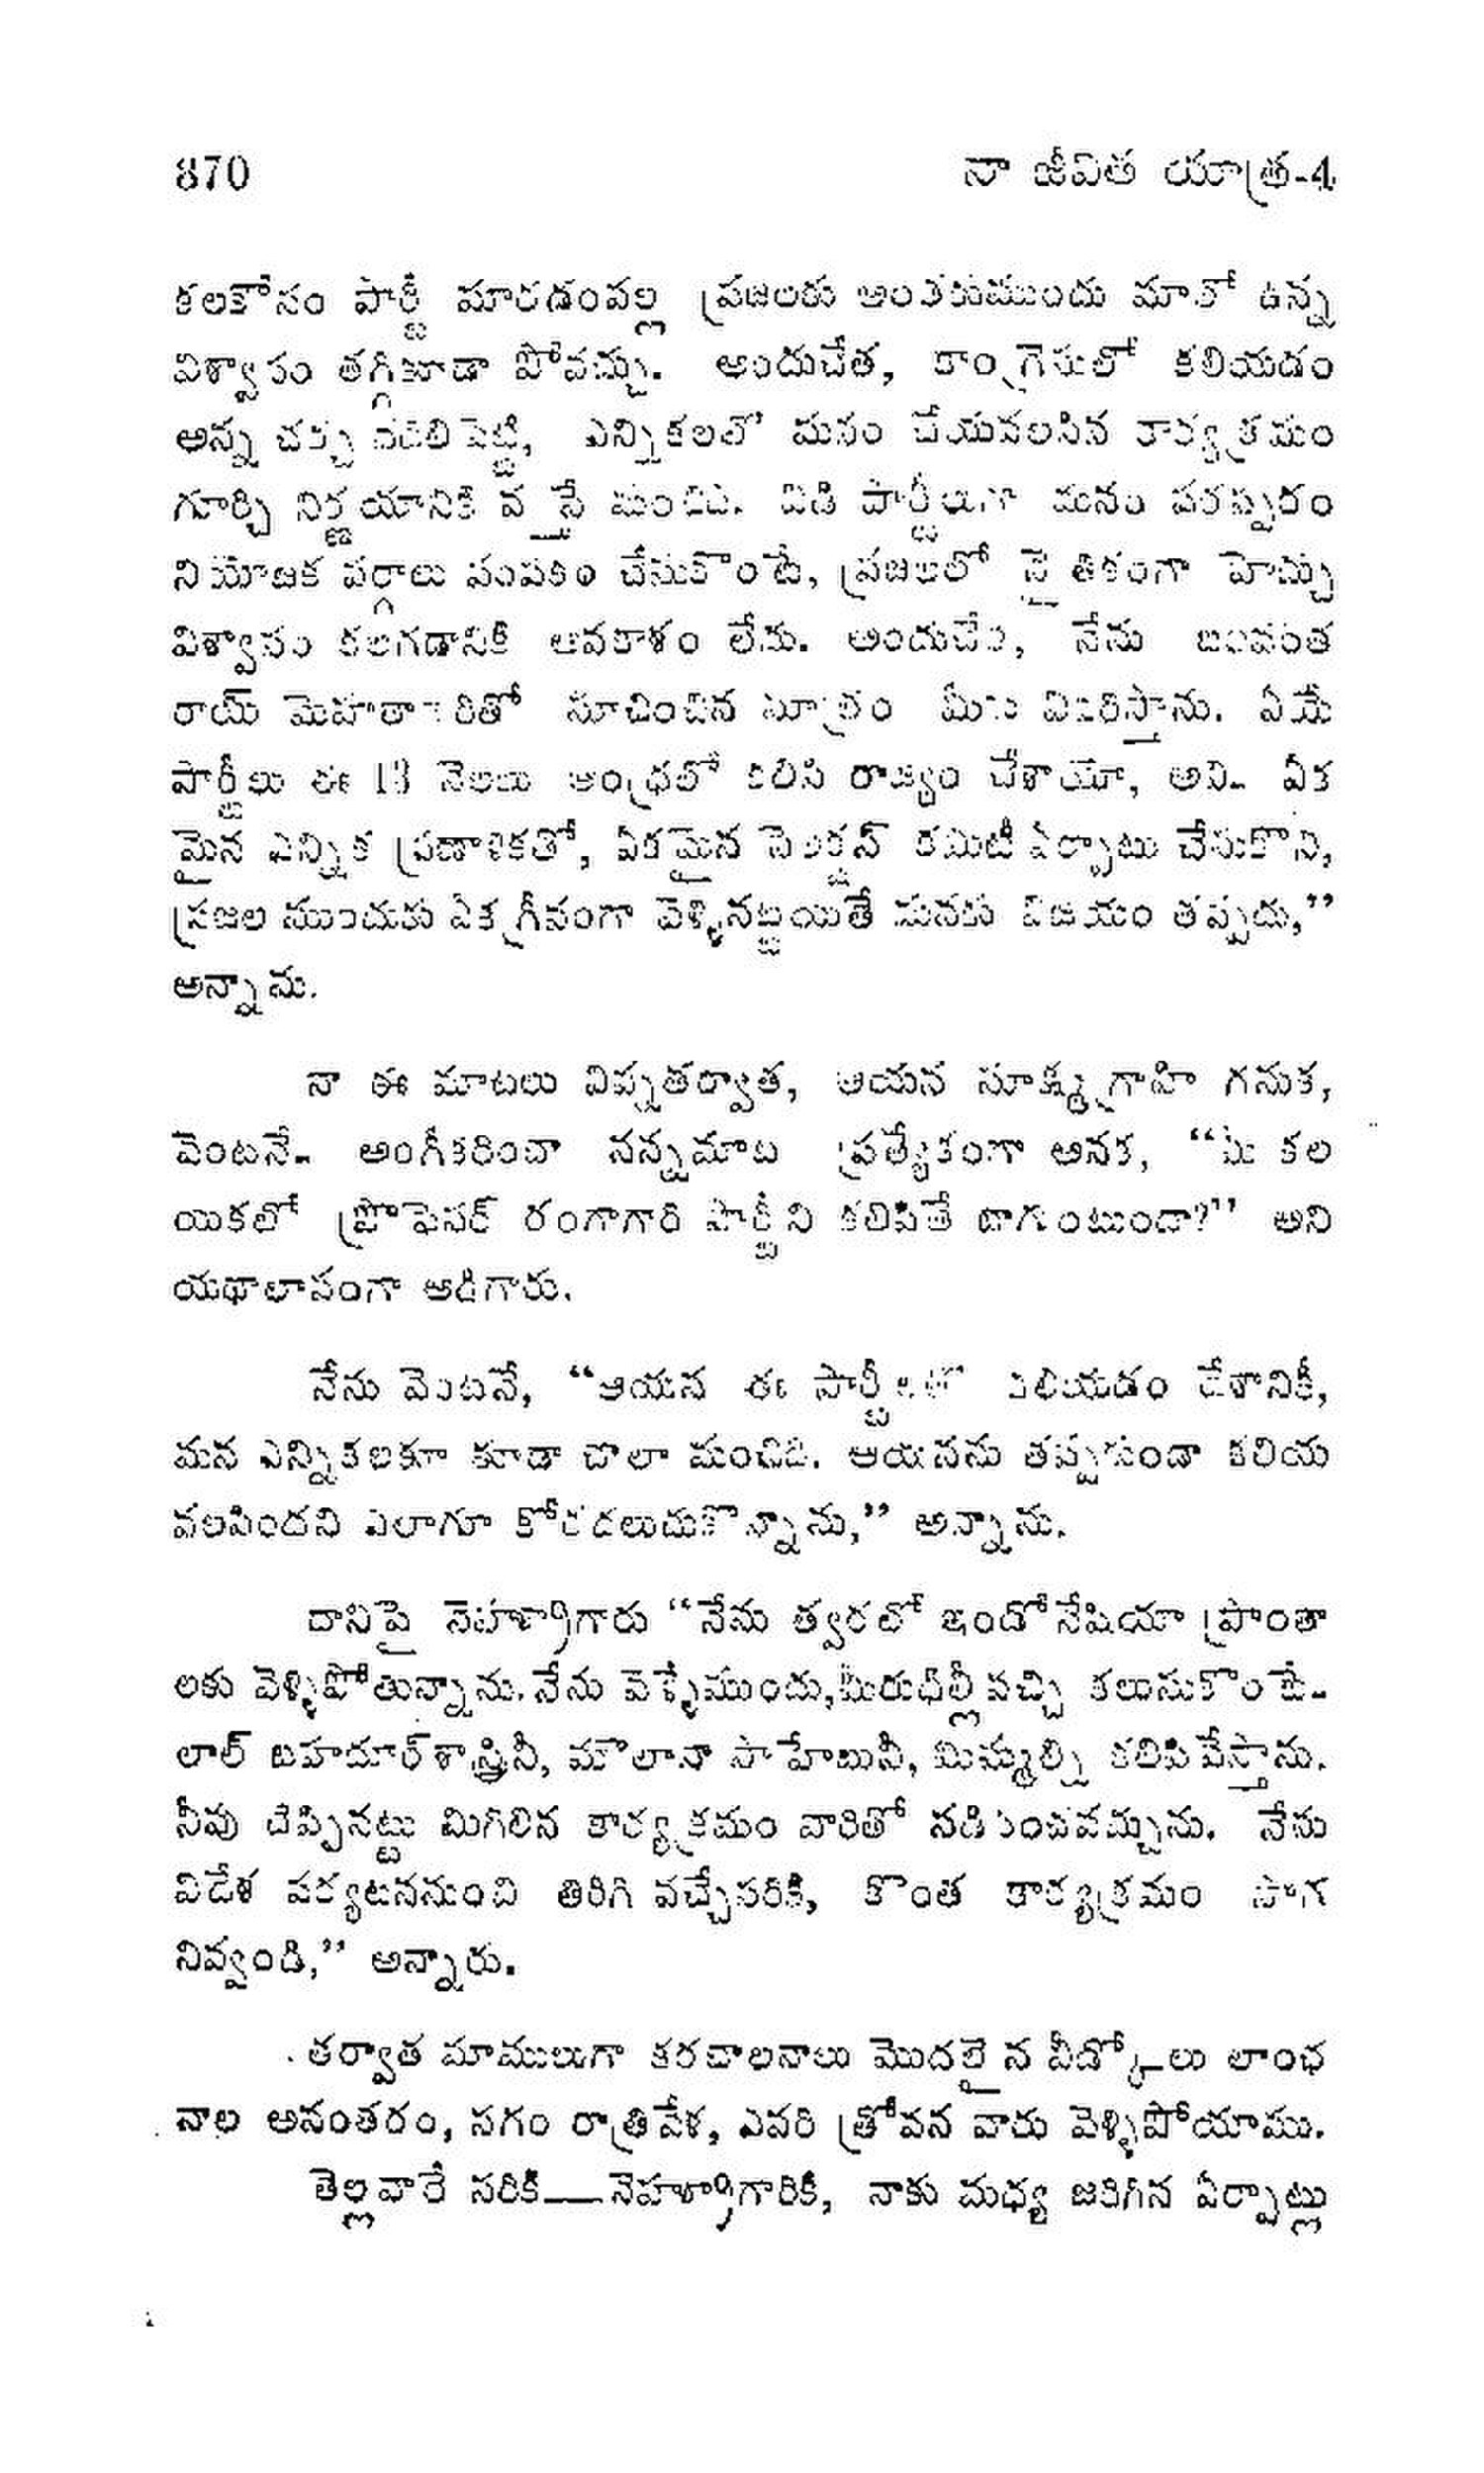కలకోసం పార్టీ మారడంవల్ల ప్రజలకు అంతకుముందు మాలో ఉన్న విశ్వాసం తగ్గికూడా పోవచ్చు. అందుచేత, కాంగ్రెసులో కలియడం అన్న చర్చ వదిలిపెట్టి, ఎన్నికలలో మనం చేయవలసిన కార్యక్రమం గూర్చి నిర్ణయానికి వస్తే మంచిది. విడి పార్టీలుగా మనం పరస్పరం నియోజక వర్గాలు పంపకం చేసుకొంటే, ప్రజలలో నైతికంగా హెచ్చు విశ్వాసం కలగడానికి అవకాశం లేదు. అందుచేత, నేను బలవంతరాయ్ మెహతాగారితో సూచించిన సూత్రం మీకు వివరిస్తాను. ఏయే పార్టీలు ఈ 13 నెలలు ఆంధ్రలో కలిసి రాజ్యం చేశాయో, అవి - ఏకమైన ఎన్నిక ప్రణాళికతో, ఏకమైన సెలెక్షన్ కమిటీ ఏర్పాటు చేసుకొని, ప్రజల ముందుకు ఏకగ్రీవంగా వెళ్ళినట్టయితే మనకు విజయం తప్పదు," అన్నాను.

నా ఈ మాటలు విన్నతర్వాత, ఆయన సూక్ష్మగ్రాహి గనుక, వెంటనే - అంగీకరించా నన్నమాట ప్రత్యేకంగా అనక, "మీ కలయికలో ప్రొఫెసర్ రంగాగారి పార్టీని కలిపితే బాగుంటుందా?" అని యథాలాపంగా అడిగారు.

నేను వెంటనే, "ఆయన ఈ పార్టీలతో కలియడం దేశానికే, మన ఎన్నికలకూ కూడా చాలా మంచిది. ఆయనను తప్పకుండా కలియవలసిందని ఎలాగూ కోరదలుచుకొన్నాను," అన్నాను.

దానిపై నెహ్రూగారు "నేను త్వరలో ఇండోనేషియా ప్రాంతాలకు వెళ్ళిపోతున్నాను. నేను వెళ్ళేముందు, మీరుఢిల్లీవచ్చి కలుసుకొంటే - లాల్ బహదూర్‌శాస్త్రినీ, మౌలానా సాహేబునీ, మిమ్మల్ని కలిపివేస్తాను. నీవు చెప్పినట్టు మిగిలిన కార్యక్రమం వారితో నడిపించవచ్చును. నేను విదేశ పర్యటననుంచి తిరిగి వచ్చేసరికి, కొంత కార్యక్రమం సాగనివ్వండి," అన్నారు.

తర్వాత మామూలుగా కరచలనాలు మొదలైన వీడ్కోలు లాంఛనాల అనంతరం, సగం రాత్రివేళ, ఎవరి త్రోవన వారు వెళ్ళిపోయాము.

తెల్లవారే సరికి - నెహ్రూగారికి, నాకు మధ్య జరిగిన ఏర్పాట్లు